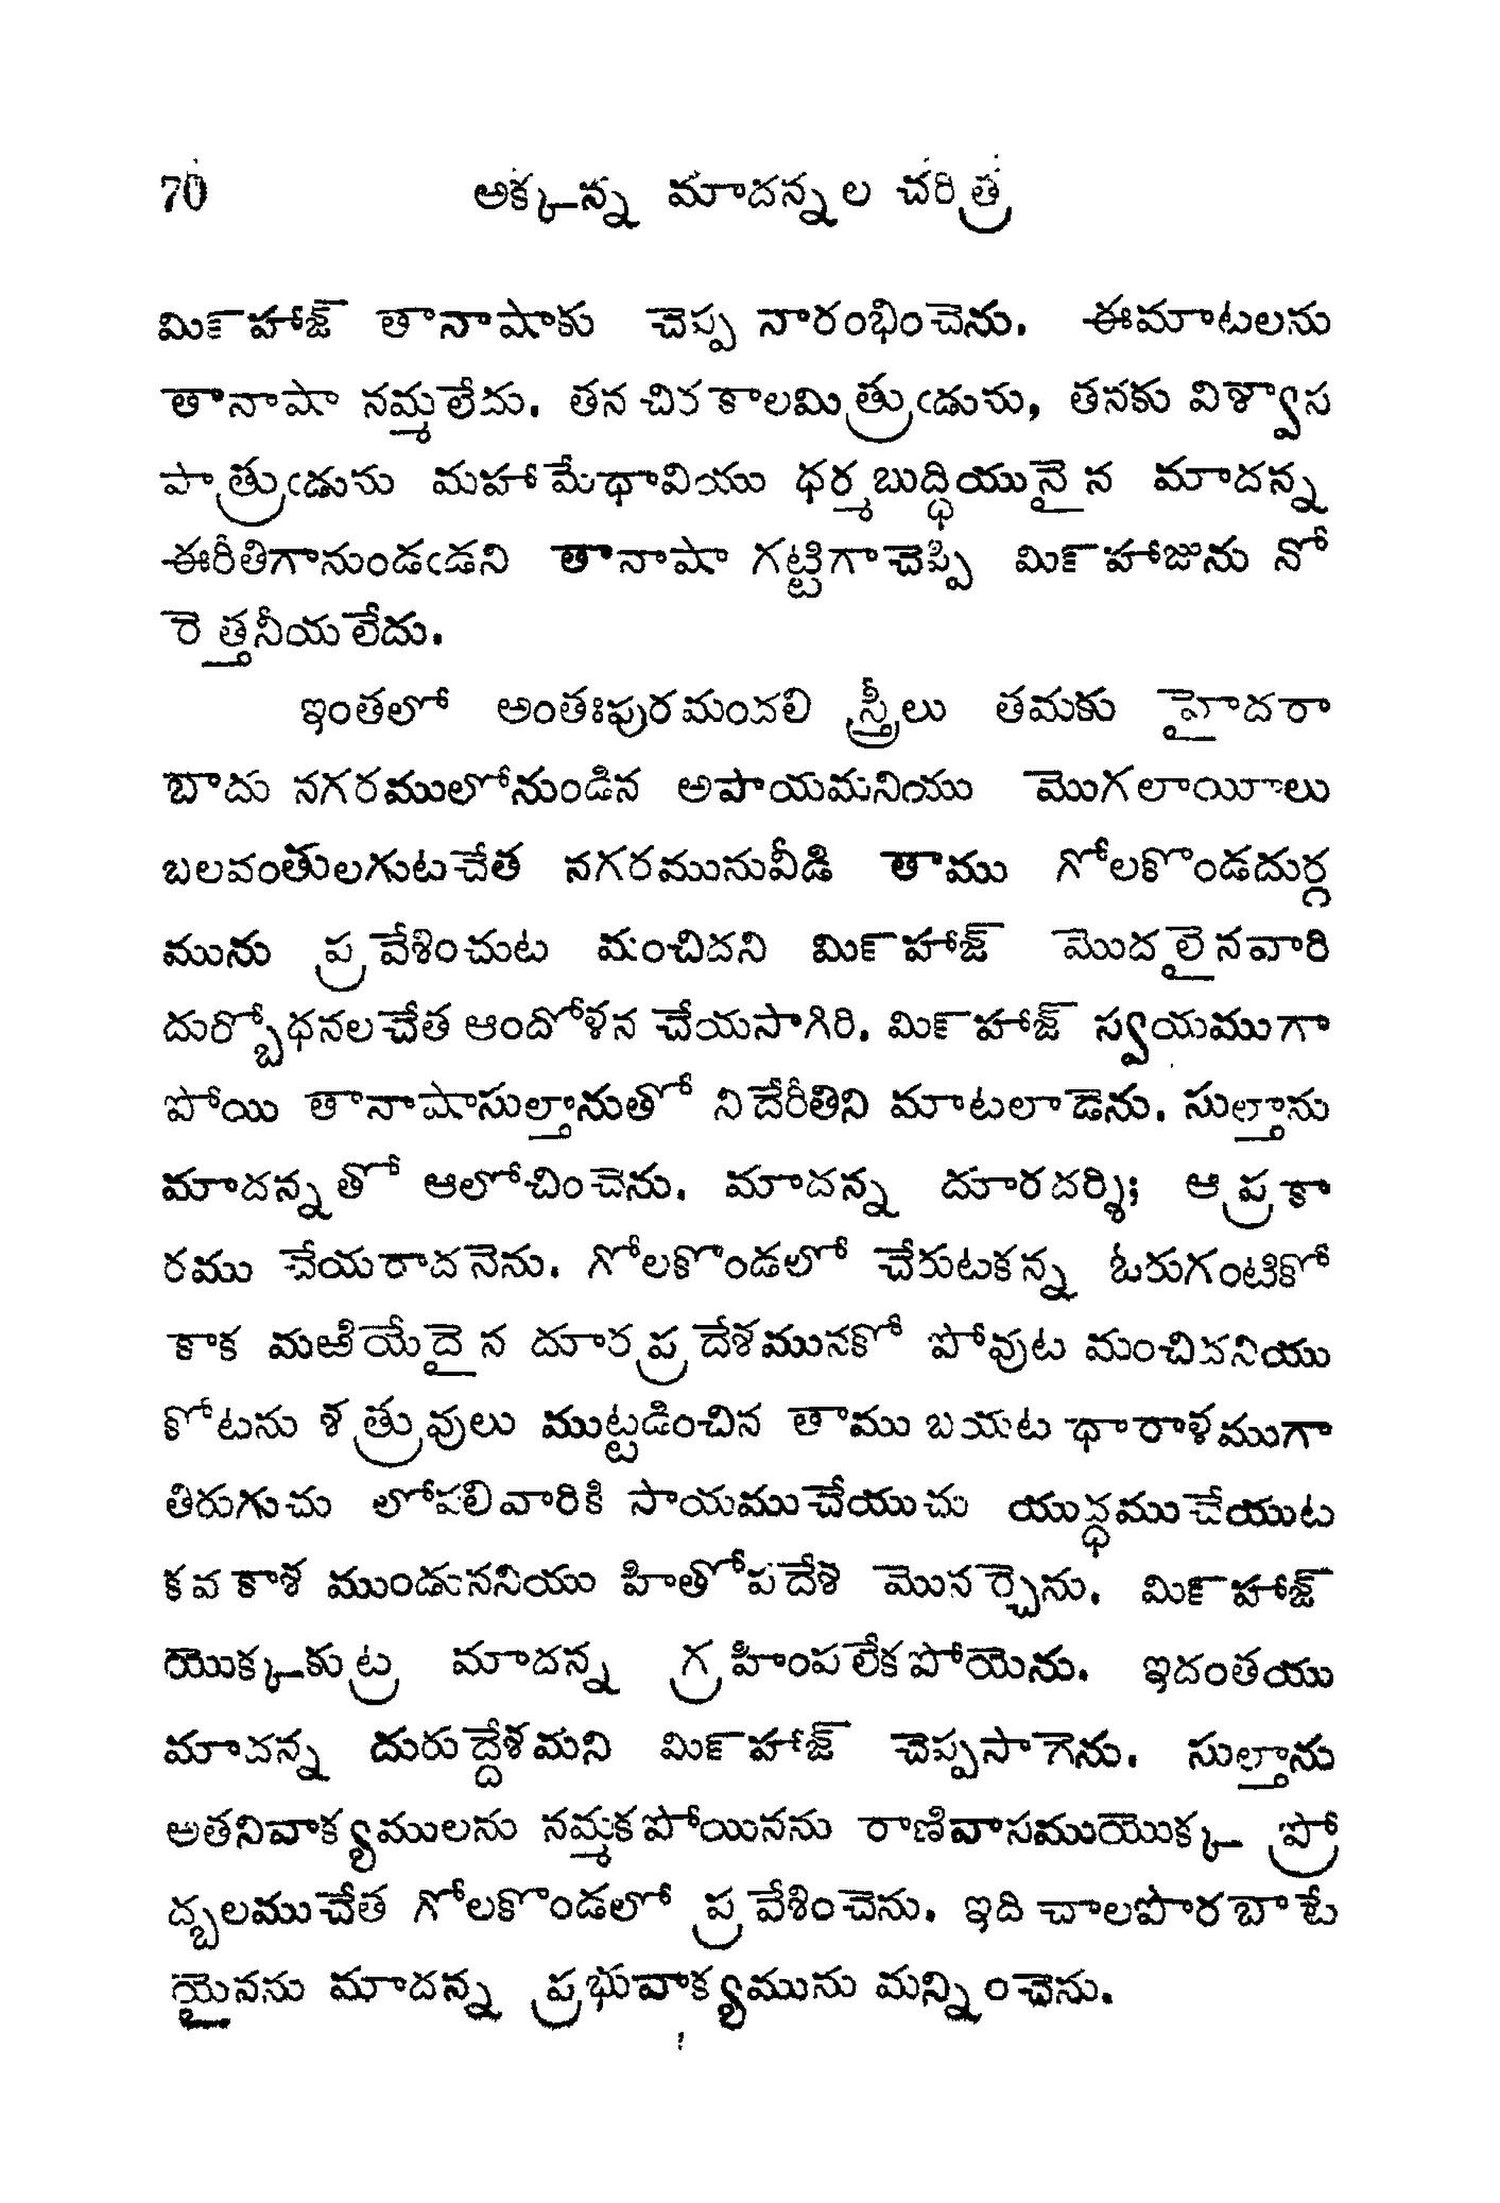మిౝహాజ్ తానాషాకు చెప్ప నారంభించెను. ఈమాటలను తానాషా నమ్మలేదు. తన చిరకాలమిత్రుఁడును, తనకు విశ్వాసపాత్రుఁడును మహామేథావియు ధర్మబుద్ధియునైన మాదన్న ఈరీతిగానుండఁడని తానాషా గట్టిగాచెప్పి మిౝహాజును నోరెత్తనీయలేదు.

ఇంతలో అంతఃపురమందలి స్త్రీలు తమకు హైదరాబాదు నగరములోనుండిన అపాయమనియు మొగలాయీలు బలవంతులగుటచేత నగరమునువీడి తాము గోలకొండదుర్గమును ప్రవేశించుట మంచిదని మిౝహాజ్ మొదలైనవారి దుర్బోధనలచేత ఆందోళన చేయసాగిరి. మిౝహాజ్ స్వయముగా పోయి తానాషాసుల్తానుతో నిదేరీతిని మాటలాడెను. సుల్తాను మాదన్నతో ఆలోచించెను. మాదన్న దూరదర్శి; ఆప్రకారము చేయరాదనెను. గోలకొండలో చేరుటకన్న ఓరుగంటికో కాక మఱియేదైన దూరప్రదేశమునకో పోవుట మంచిదనియు కోటను శత్రువులు ముట్టడించిన తాము బయట ధారాళముగా తిరుగుచు లోపలివారికి సాయముచేయుచు యుద్ధముచేయుట కవకాశ ముండుననియు హితోపదేశ మొనర్చెను. మిౝహాజ్ యొక్కకుట్ర మాదన్న గ్రహింపలేకపోయెను. ఇదంతయు మాదన్న దురుద్దేశమని మిౝహాజ్ చెప్పసాగెను. సుల్తాను అతనివాక్యములను నమ్మకపోయినను రాణివాసముయొక్క ప్రోద్బలముచేత గోలకొండలో ప్రవేశించెను. ఇది చాలపొరబాటే యైనను మాదన్న ప్రభువాక్యమును మన్నించెను.